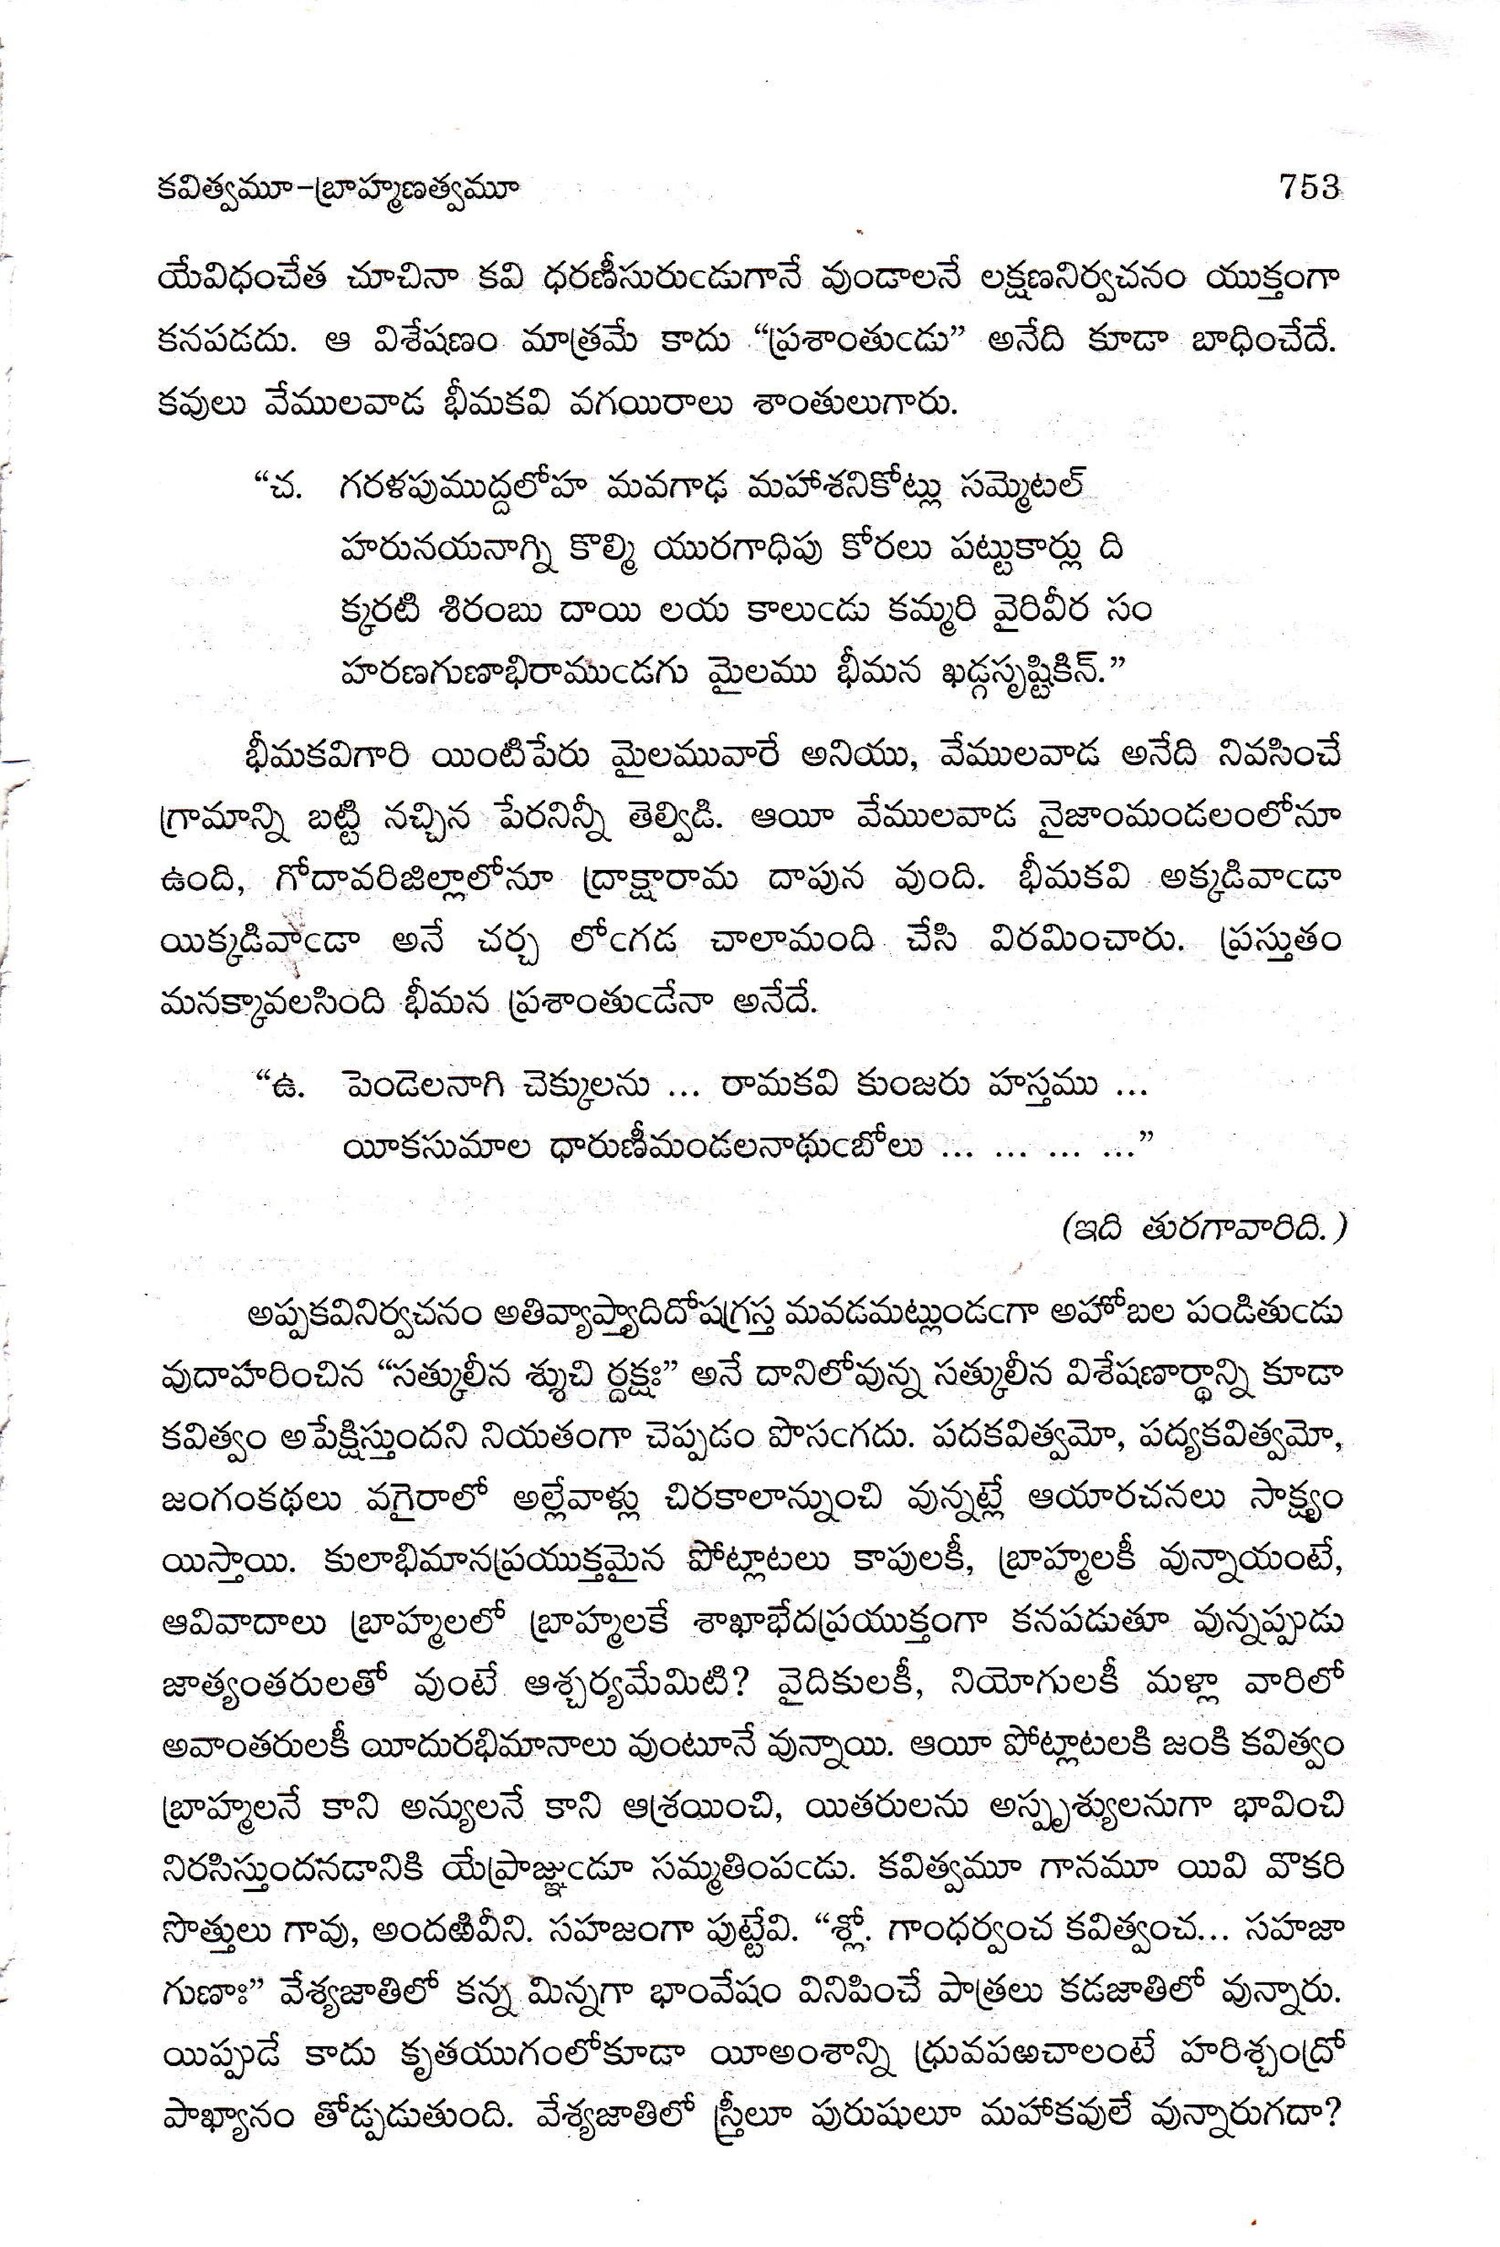యేవిధంచేత చూచినా కవి ధరణీసురుఁడుగానే వుండాలనే లక్షణనిర్వచనం యుక్తంగా కనపడదు. ఆ విశేషణం మాత్రమే కాదు “ప్రశాంతుఁడు" అనేది కూడా బాధించేదే. కవులు వేములవాడ భీమకవి వగయిరాలు శాంతులుగారు.

“చ. గరళపుముద్దలోహ మవగాఢ మహాశనికోట్లు సమ్మెటల్
 హరునయనాగ్ని కొల్మి యురగాధిపు కోరలు పట్టుకార్లు ది 
 క్కరటి శిరంబు దాయి లయ కాలుఁడు కమ్మరి వైరివీర సం 
 హరణగుణాభిరాముఁడగు మైలము భీమన ఖడ్గసృష్టికిన్"
భీమకవిగారి యింటిపేరు మైలమువారే అనియు, వేములవాడ అనేది నివసించే గ్రామాన్ని బట్టి నచ్చిన పేరనిన్నీ తెల్విడి. ఆయీ వేములవాడ నైజాంమండలంలోనూ ఉంది, గోదావరి జిల్లాలోనూ ద్రాక్షారామ దాపున వుంది. భీమకవి అక్కడివాఁడా యిక్కడివాఁడా అనే చర్చ లోఁగడ చాలామంది చేసి విరమించారు. ప్రస్తుతం మనక్కావలసింది భీమన ప్రశాంతుఁడేనా అనేదే.

“ఉ. పెండెలనాగి చెక్కులను ... రామకవి కుంజరు హస్తము ... 
 యీకసుమాల ధారుణీమండలనాథుcబోలు ... ... ... ..."
 (ఇది తురగావారిది.)
అప్పకవినిర్వచనం అతివ్యాప్త్యాదిదోషగ్రస్త మవడమట్లుండఁగా అహోబల పండితుఁడు వుదాహరించిన "సత్కులీన శ్శుచి ర్దక్ష" అనే దానిలోవున్న సత్కులీన విశేషణార్ధాన్ని కూడా కవిత్వం అపేక్షిస్తుందని నియతంగా చెప్పడం పొసఁగదు. పదకవిత్వమో, పద్యకవిత్వమో, జంగంకథలు వగైరాలో అల్లేవాళ్లు చిరకాలాన్నుంచి వున్నట్లే ఆయారచనలు సాక్ష్యం యిస్తాయి. కులాభిమానప్రయుక్తమైన పోట్లాటలు కాపులకీ, బ్రాహ్మలకీ వున్నాయంటే, ఆవివాదాలు బ్రాహ్మలలో బ్రాహ్మలకే శాఖాభేదప్రయుక్తంగా కనపడుతూ వున్నప్పుడు జాత్యంతరులతో వుంటే ఆశ్చర్యమేమిటి? వైదికులకీ, నియోగులకీ మళ్లా వారిలో అవాంతరులకీ యీదురభిమానాలు వుంటూనే వున్నాయి. ఆయీ పోట్లాటలకి జంకి కవిత్వం బ్రాహ్మలనే కాని అన్యులనే కాని ఆశ్రయించి, యితరులను అస్పృశ్యులనుగా భావించి నిరసిస్తుందనడానికి యేప్రాజ్ఞుఁడూ సమ్మతింపఁడు. కవిత్వమూ గానమూ యివి వొకరి సొత్తులు గావు, అందఱివీని. సహజంగా పుట్టేవి. "శ్లో గాంధర్వంచ కవిత్వంచ. సహజా గుణాః" వేశ్యజాతిలో కన్న మిన్నగా భాంవేషం వినిపించే పాత్రలు కడజాతిలో వున్నారు. యిప్పుడే కాదు కృతయుగంలోకూడా యీఅంశాన్ని ధ్రువపఱచాలంటే హరిశ్చంద్రోపాఖ్యానం తోడ్పడుతుంది. వేశ్యజాతిలో స్త్రీలూ పురుషులూ మహాకవులే వున్నారుగదా?